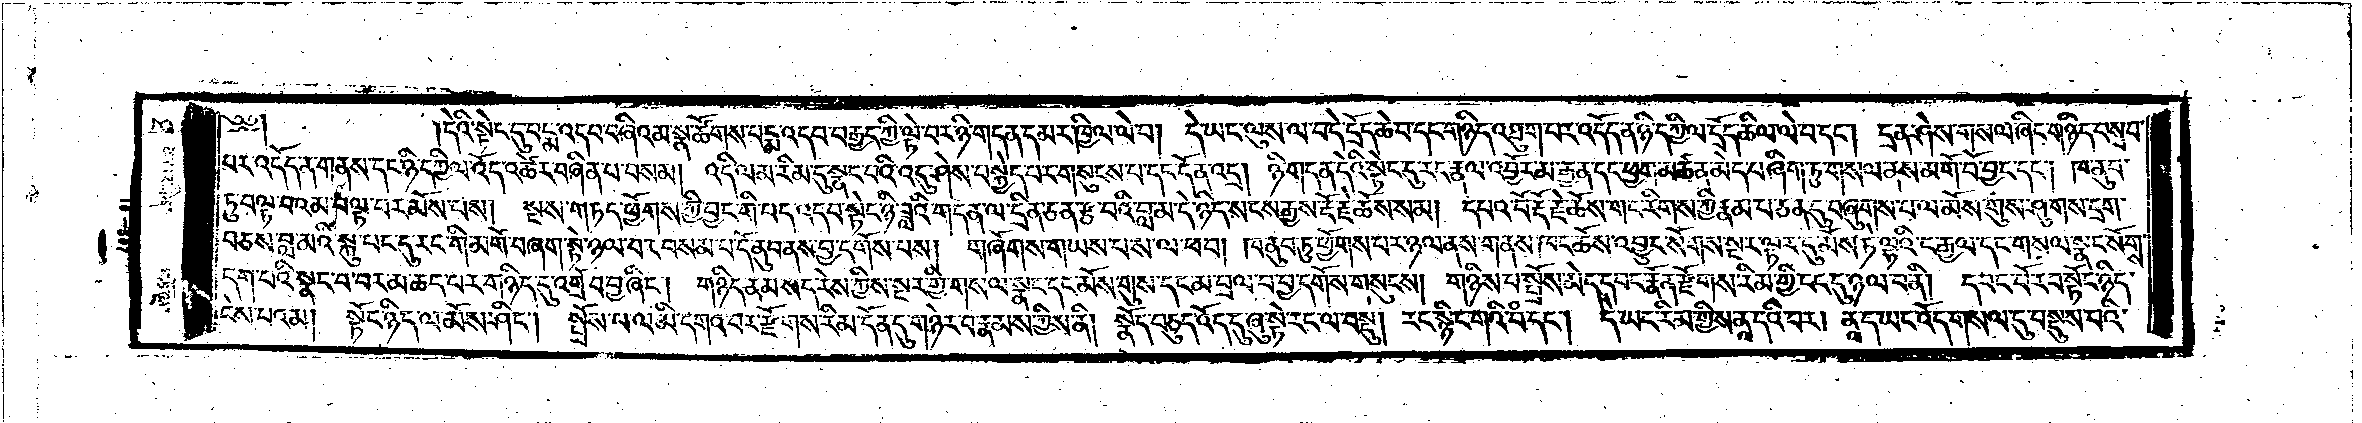༄༅། །དེའི་སྟེང་དུ་པདམ་འདབ་བཞིའམ་སྣ་ཚོགས་པདམ་འདབ་བརྒྱད་ཀྱི་ལྟེ་བར་ཉི་གདན་དམར་ཁྱིལ་ལེ་བ། དེ་ཡང་ལུས་ལ་བདེ་དྲོད་ཆེ་བ་དང་གཉིད་འཐུག་པར་འདོད་ན་ཉི་དཀྱིལ་དྲོད་ཆིལ་ལེ་བ་དང་། དྲན་ཤེས་གསལ་ཞིང་གཉིད་བསྲབ་
པར་འདོད་ན་གནས་དང་ཉི་དཀྱིལ་འོད་འཚེར་བཞིན་པ་བསམ། འདི་ལམ་རིམ་དུ་སྣང་བའི་འདུ་ཤེས་བསྐྱེད་པར་གསུངས་པ་དང་དོན་འདྲ། ཉི་གདན་དེའི་སྟེང་དུ་རང་རྣལ་འབྱོར་མ་རྒྱན་དང་ཕྱག་མཚན་མེད་པ་ཞིག་ཏུ་གསལ་ནས་མགོ་བོ་བྱང་དང་། ཁ་ནུབ་
ཏུ་བལྟ་བའམ་བལྟ་བར་མོས་པས། སྔས་གཏད་ཕྱོགས་ཀྱི་བྱང་གི་པད་འདབ་སྟེང་ཉི་ཟླའི་གདན་ལ་དྲིན་ཅན་རྩ་བའི་བླ་མ་དེ་ཉིད་སངས་རྒྱས་རྡོ་རྗེ་ཆོས་སམ། དཔའ་བོ་རྡོ་རྗེ་ཆོས་གང་རིགས་ཀྱི་རྣམ་པ་ཅན་དུ་བཞུགས་པ་ལ་མོས་གུས་ཤུགས་དྲག་
བཅས་བླ་མའི་སྐུ་པང་དུ་རང་གི་མགོ་བཞག་སྟེ་ཉལ་བར་བསམ་པ་དོ་ནུབ་ནས་བྱ་དགོས་པས། གཞོགས་གཡས་པས་ལ་ཕབ། ཁ་ནུབ་ཏུ་ཕྱོགས་བར་ཉལ་ནས་གནས་ཁང་ཆོས་འབྱུང་སོགས་སྔར་ལྟར་དུ་མོས་ཏེ་ལྷའི་ང་རྒྱལ་དང་གསལ་སྣང་སོགས་
དག་པའི་སྣང་བ་བར་མ་ཆད་པར་གཉིད་དུ་འགྲོ་བ་བྱ་ཞིང་། གཉིད་ནམས་ད་རེས་ཀྱིས་སྔར་གྱི་གསལ་སྣང་དང་མོས་གུས་དང་མ་བྲལ་བ་བྱ་དགོས་གསུངས། གཉིས་པ་སྤྲོས་མེད་དབང་རྣོན་རྫོགས་རིམ་གྱི་ངང་དུ་ཉལ་བ་ནི། དབང་པོ་རབ་སྟོང་ཉིད་
ངེས་པའམ། སྟོང་ཉིད་ལ་མོས་ཤིང་། སྤྲོས་བ་ལ་མི་དགའ་བར་རྫོགས་རིམ་དོན་དུ་གཉེར་བ་རྣམས་ཀྱིས་ནི། སྣོད་བཅུད་འོད་དུ་ཞུ་སྟེ་རང་ལ་བསྡུ། རང་སྙིང་གའི་བཾ་དང་། དེ་ཡང་རིམ་གྱིས་ནཱ་དའི་བར། ནཱ་ད་ཡང་འོད་གསལ་དུ་བསྡུས་པའི་